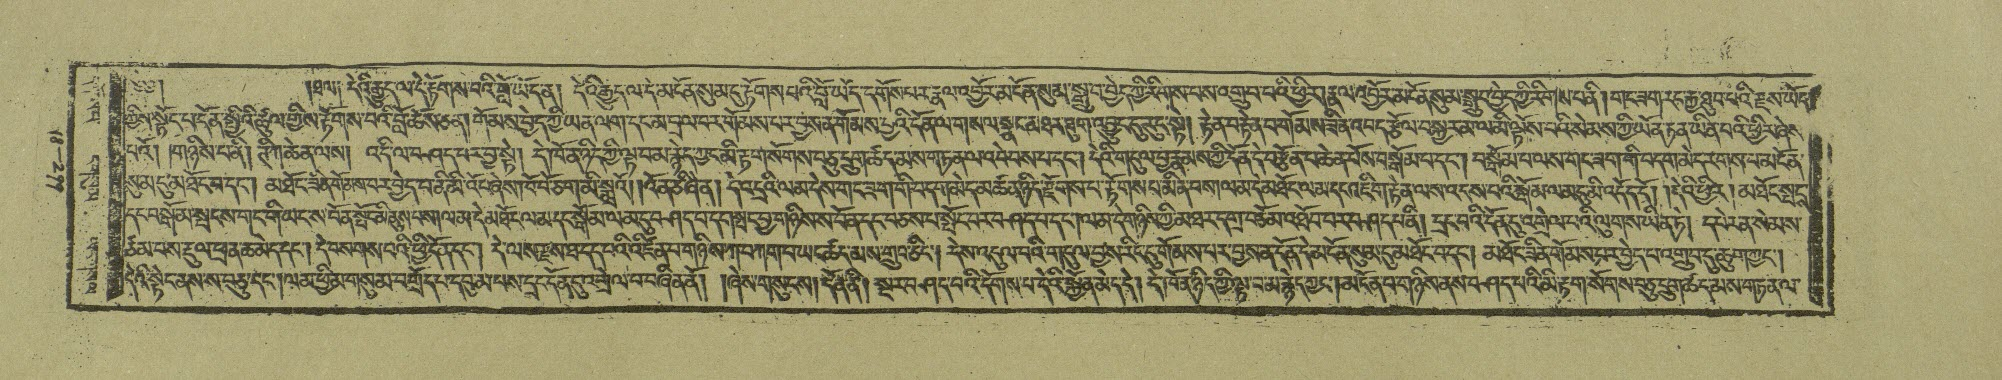༄༅། །ཐལ། དེའི་རྒྱུད་ལ་དེ་རྟོགས་པའི་བློ་ཡོད་ན། དེའི་རྒྱུད་ལ་དེ་མངོན་སུམ་དུ་རྟོགས་པའི་བློ་ཡོད་དགོས་པར་རྣལ་འབྱོར་མངོན་སུམ་སྒྲུབ་བྱེད་ཀྱི་རིགས་པས་འགྲུབ་པའི་ཕྱིར། རྣལ་འབྱོར་མངོན་སུམ་སྒྲུབ་བྱེད་ཀྱི་རིགས་པ་ནི། གང་ཟག་རང་རྐྱ་ཐུབ་པའི་རྫས་ཡོད་
ཀྱིས་སྟོང་བ་དོན་སྤྱིའི་ཚུལ་གྱིས་རྟོགས་པའི་བློ་ཆོས་ཅན། གོམས་བྱེད་ཀྱི་ཡན་ལག་དང་མ་བྲལ་བར་གོམས་པར་བྱས་ན་གོམས་བྱའི་དོན་ལ་གསལ་སྣང་མཐར་ཐུག་འབྱུང་དུ་རུང་སྟེ། རྟེན་བརྟེན་བ་གོམས་ཟིན་འབད་རྩོལ་བསྐྱར་མ་ལ་མི་ལྟོས་པའི་སེམས་ཀྱི་ཡོན་ཏན་ཡིན་པའི་ཕྱིར་ཞེས་
པའོ། །གཉིས་པ་ནི། ཊིཀ་ཆེན་ལས། འདི་ལ་བཤད་པར་བྱ་སྟེ། དེ་ཁོ་ན་ཉིད་ཀྱི་ལྟ་བ་མ་རྙེད་ཀྱང་མི་རྟག་སོགས་བཅུ་དྲུག་ཚད་མས་གཏན་ལ་འབེབས་པ་དང་། དེའི་གདུལ་བྱ་རྣམས་ཀྱི་དོན་དེ་བརྩོན་པ་ཆེན་པོས་བསྒོམ་པ་དང་། བསྒོམ་པ་ལས་གང་ཟག་གི་བདག་མེད་རགས་པ་མངོན་
སུམ་དུ་མཐོང་བ་དང་། མཐོང་ཟིན་གོམས་པར་བྱེད་པ་ནི་མི་འོང་ཞེས་ཁོ་བོ་ཅག་མི་སྨྲའོ། །འོ་ན་ཅི་ཞེ་ན། དེ་འདྲའི་ལམ་དེས་གང་ཟག་གི་བདག་མེད་མཚན་ཉིད་རྫོགས་པ་རྟོགས་པ་མིན་པས། ལམ་དེ་མཐོང་ལམ་དང་འཇིག་རྟེན་ལས་འདས་པའི་སྒོམ་ལམ་དུ་མི་འདོད་དོ། །དེའི་ཕྱིར། མཐོང་སྤངས་
དང་བསྒོམ་སྤངས་གང་གི་ཡང་ས་བོན་སྤོང་མི་ནུས་པས། ལམ་དེ་མཐོང་ལམ་དང་སྒོམ་ལམ་དུ་བཤད་པ་དང་། སྤང་བྱ་གཉིས་ས་བོན་དང་བཅས་པ་སྤོང་བར་བཤད་པ་དང་། ལམ་དེ་གཉིས་ཀྱི་མཐར་དགྲ་བཅོམ་འཐོབ་པར་བཤད་པ་ནི། དྲང་བའི་དོན་དུ་འགྲེལ་པའི་ལུགས་ཡིན་ཏེ། དཔེར་ན་སེམས་
ཙམ་པས་རྡུལ་ཕྲན་ཆ་མེད་དང་། དེ་བསགས་པའི་ཕྱི་དོན་དང་། དེ་ལས་རྫས་ཐ་དད་པའི་འཛིན་པ་གཉིས་ཀ་བཀག་པ་ཡང་ཚད་མས་གྲུབ་ཅིང་། དེས་འདུལ་བའི་གདུལ་བྱས་རིང་དུ་གོམས་པར་བྱས་ན་དོན་དེ་མངོན་སུམ་དུ་མཐོང་བ་དང་། མཐོང་ཟིན་གོམས་པར་བྱེད་པ་འགྲུབ་དུ་ཆུག་ཀྱང་།
དེའི་སྟེང་ནས་ས་བཅུ་དང་། ལམ་ཕྱི་མ་གསུམ་བགྲོད་པ་དབུ་མ་པས་དྲང་དོན་དུ་འགྲེལ་པ་བཞིན་ནོ། །ཞེས་གསུངས། དོན་ནི། སྔར་བཤད་པའི་དོགས་པ་དེའི་སྐྱོན་མེད་དེ། དེ་ཁོ་ན་ཉིད་ཀྱི་ལྟ་བ་མ་རྙེད་ཀྱང་། མངོན་པ་གཉིས་ནས་བཤད་པའི་མི་རྟག་སོགས་བཅུ་དྲུག་ཚད་མས་གཏན་ལ་